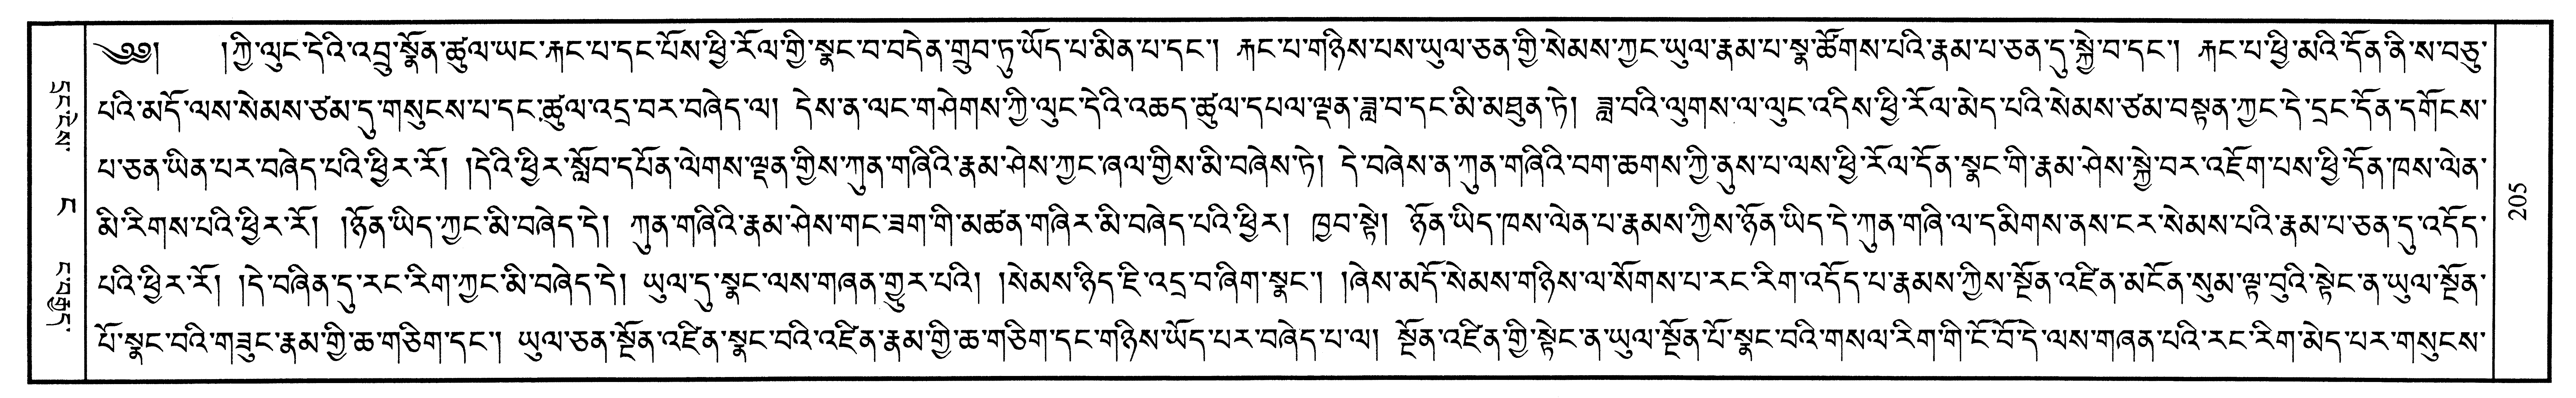༄༅། །ཀྱི་ལུང་དེའི་འབྲུ་སྣོན་ཚུལ་ཡང་རྐང་པ་དང་པོས་ཕྱི་རོལ་གྱི་སྣང་བ་བདེན་གྲུབ་ཏུ་ཡོད་པ་མིན་པ་དང་། རྐང་པ་གཉིས་པས་ཡུལ་ཅན་གྱི་སེམས་ཀྱང་ཡུལ་རྣམ་པ་སྣ་ཚོགས་པའི་རྣམ་པ་ཅན་དུ་སྐྱེ་བ་དང་། རྐང་པ་ཕྱི་མའི་དོན་ནི་ས་བཅུ་
པའི་མདོ་ལས་སེམས་ཙམ་དུ་གསུངས་པ་དང་ཚུལ་འདྲ་བར་བཞེད་ལ། དེས་ན་ལང་གཤེགས་ཀྱི་ལུང་དེའི་འཆད་ཚུལ་དཔལ་ལྡན་ཟླ་བ་དང་མི་མཐུན་ཏེ། ཟླ་བའི་ལུགས་ལ་ལུང་འདིས་ཕྱི་རོལ་མེད་པའི་སེམས་ཙམ་བསྟན་ཀྱང་དེ་དྲང་དོན་དགོངས་
པ་ཅན་ཡིན་པར་བཞེད་པའི་ཕྱིར་རོ། །དེའི་ཕྱིར་སློབ་དཔོན་ལེགས་ལྡན་གྱིས་ཀུན་གཞིའི་རྣམ་ཤེས་ཀྱང་ཞལ་གྱིས་མི་བཞེས་ཏེ། དེ་བཞེས་ན་ཀུན་གཞིའི་བག་ཆགས་ཀྱི་ནུས་པ་ལས་ཕྱི་རོལ་དོན་སྣང་གི་རྣམ་ཤེས་སྐྱེ་བར་འཇོག་པས་ཕྱི་དོན་ཁས་ལེན་
མི་རིགས་པའི་ཕྱིར་རོ། །ཉོན་ཡིད་ཀྱང་མི་བཞེད་དེ། ཀུན་གཞིའི་རྣམ་ཤེས་གང་ཟག་གི་མཚན་གཞིར་མི་བཞེད་པའི་ཕྱིར། ཁྱབ་སྟེ། ཉོན་ཡིད་ཁས་ལེན་པ་རྣམས་ཀྱིས་ཉོན་ཡིད་དེ་ཀུན་གཞི་ལ་དམིགས་ནས་ངར་སེམས་པའི་རྣམ་པ་ཅན་དུ་འདོད་
པའི་ཕྱིར་རོ། །དེ་བཞིན་དུ་རང་རིག་ཀྱང་མི་བཞེད་དེ། ཡུལ་དུ་སྣང་ལས་གཞན་གྱུར་པའི། །སེམས་ཉིད་ཇི་འདྲ་བ་ཞིག་སྣང་། །ཞེས་མདོ་སེམས་གཉིས་ལ་སོགས་པ་རང་རིག་འདོད་པ་རྣམས་ཀྱིས་སྔོན་འཛིན་མངོན་སུམ་ལྟ་བུའི་སྟེང་ན་ཡུལ་སྔོན་
པོ་སྣང་བའི་གཟུང་རྣམ་གྱི་ཆ་གཅིག་དང་། ཡུལ་ཅན་སྔོན་འཛིན་སྣང་བའི་འཛིན་རྣམ་གྱི་ཆ་གཅིག་དང་གཉིས་ཡོད་པར་བཞེད་པ་ལ། སྔོན་འཛིན་གྱི་སྟེང་ན་ཡུལ་སྔོན་པོ་སྣང་བའི་གསལ་རིག་གི་ངོ་བོ་དེ་ལས་གཞན་པའི་རང་རིག་མེད་པར་གསུངས་